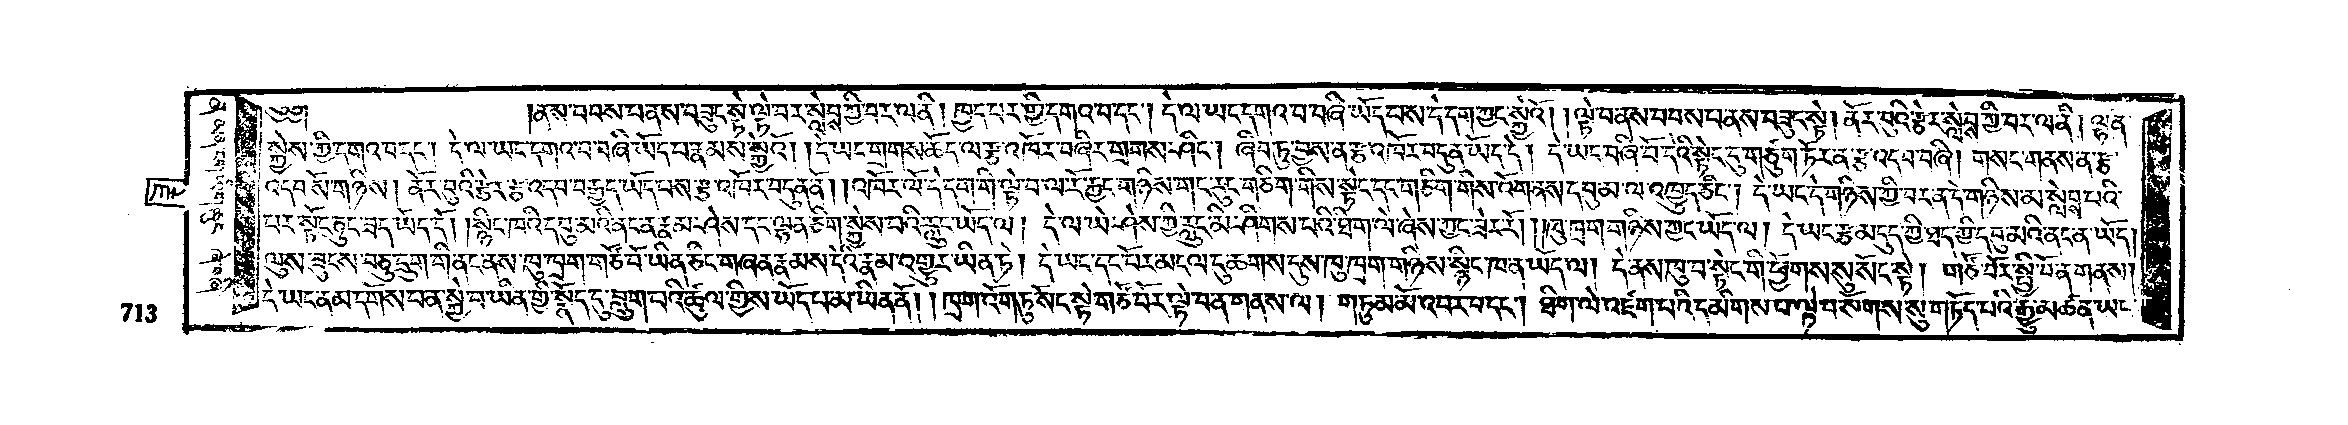༄༅། །ནས་བབས་པ་ནས་བཟུང་སྟེ་ལྟེ་བར་སླེབས་ཀྱི་བར་ལ་ནི། ཁྱད་པར་གྱི་དགའ་བ་དང་། དེ་ལ་ཡང་དགའ་བ་བཞི་ཡོད་པས་དེ་དག་ཀྱང་སྐྱེའོ། །ལྟེ་བ་ནས་བབས་པ་ནས་བཟུང་སྟེ། ནོར་བུའི་རྩེར་སླེབས་ཀྱི་བར་ལ་ནི། ལྷན་སྐྱེས་ཀྱི་དགའ་བ་དང་། དེ་ལ་ཡང་དགའ་བ་བཞི་ཡོད་པ་རྣམས་སྐྱེའོ། །དེ་ཡང་གྲགས་ཆོད་ལ་རྩ་འཁོར་བཞིར་གྲགས་ཤིང་། ཞིབ་ཏུ་བྱས་ན་རྩ་འཁོར་བདུན་ཡོད་དེ། དེ་ཡང་བཞི་པོ་དེའི་སྟེང་དུ་གཙུག་ཏོར་ན་རྩ་འདབ་བཞི། གསང་གནས་ན་རྩ་
འདབ་སོ་གཉིས། ནོར་བུའི་རྩེར་རྩ་འདབ་བརྒྱད་ཡོད་པས་རྩ་འཁོར་བདུན་ནོ། །འཁོར་ལོ་དེ་དག་གི་ལྟེ་བ་ལ་རོ་རྐྱང་གཉིས་གང་རུང་གཅིག་གིས་སྟེང་དང་གཅིག་གིས་འོག་ནས་དབུ་མ་ལ་འཁྱུད་ཅིང་། དེ་ཡང་དེ་གཉིས་ཀྱི་བར་ན་དེ་གཉིས་མ་སླེབས་པའི་
པར་སྟོང་ཅུང་ཟད་ཡོད་དོ། །སྙིང་ཁའི་དབུ་མའི་ནང་ན་རྣམ་ཤེས་དང་ལྷན་ཅིག་སྐྱེས་པའི་རླུང་ཡོད་ལ། དེ་ལ་ཡེ་ཤེས་ཀྱི་རླུང་མི་ཤིགས་པའི་ཐིག་ལེ་ཞེས་ཀྱང་ཟེར་རོ། །ཁུ་ཁྲག་གཉིས་ཀྱང་ཡོད་ལ། དེ་ཡང་རྩ་མདུད་ཀྱི་ཐད་ཀྱི་དབུ་མའི་ནང་ན་ཡོད།
ལུས་ཟུངས་བཅུ་དྲུག་གི་ནང་ནས་ཁུ་ཁྲག་གཙོ་བོ་ཡིན་ཅིང་གཞན་རྣམས་དེའི་རྣམ་འགྱུར་ཡིན་ཏེ། དེ་ཡང་དང་པོར་མངལ་དུ་ཆགས་དུས་ཁུ་ཁྲག་གཉིས་སྙིང་ཁ་ན་ཡོད་ལ། དེ་ནས་ཁུ་བ་སྟེང་གི་ཕྱོགས་སུ་སོང་སྟེ། གཙོ་བོར་སྤྱི་བོ་ན་གནས།
དེ་ཡང་ནམ་དགོས་པ་ན་སྐྱེ་བ་ཡིན་གྱི་སྣོད་དུ་བླུག་པའི་ཚུལ་གྱིས་ཡོད་པ་མ་ཡིན་ནོ། །ཁྲག་འོག་ཏུ་སོང་སྟེ་གཙོ་བོར་ལྟེ་བ་ན་གནས་ལ། གཏུམ་མོ་འབར་བ་དང་། ཐིག་ལེ་འཛག་པའི་དམིགས་པ་ལྟེ་བ་སོགས་སུ་གཏོད་པའི་རྒྱུ་མཚན་ཡང་